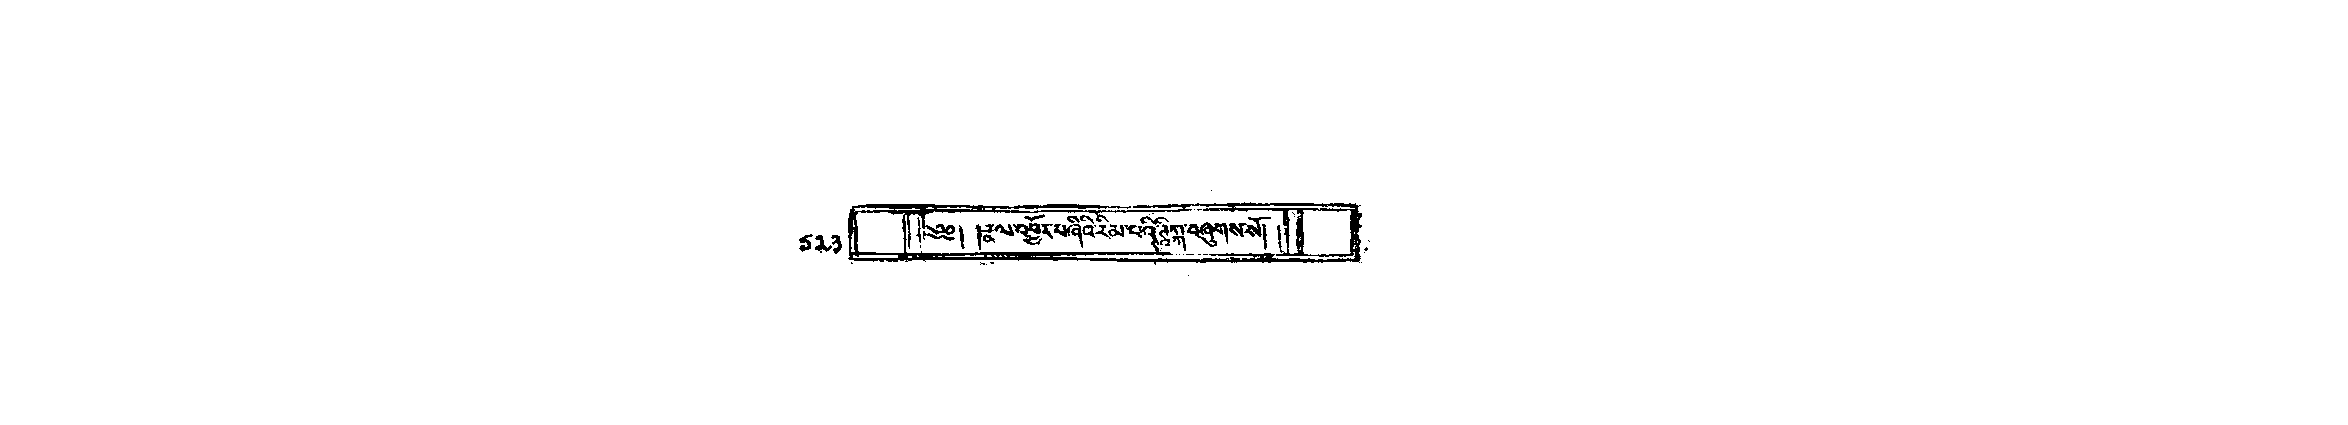༄༅། །རྣལ་འབྱོར་བཞིའི་རིམ་པའི་ཊཱིཀྐ་བཞུགས་སོ། །